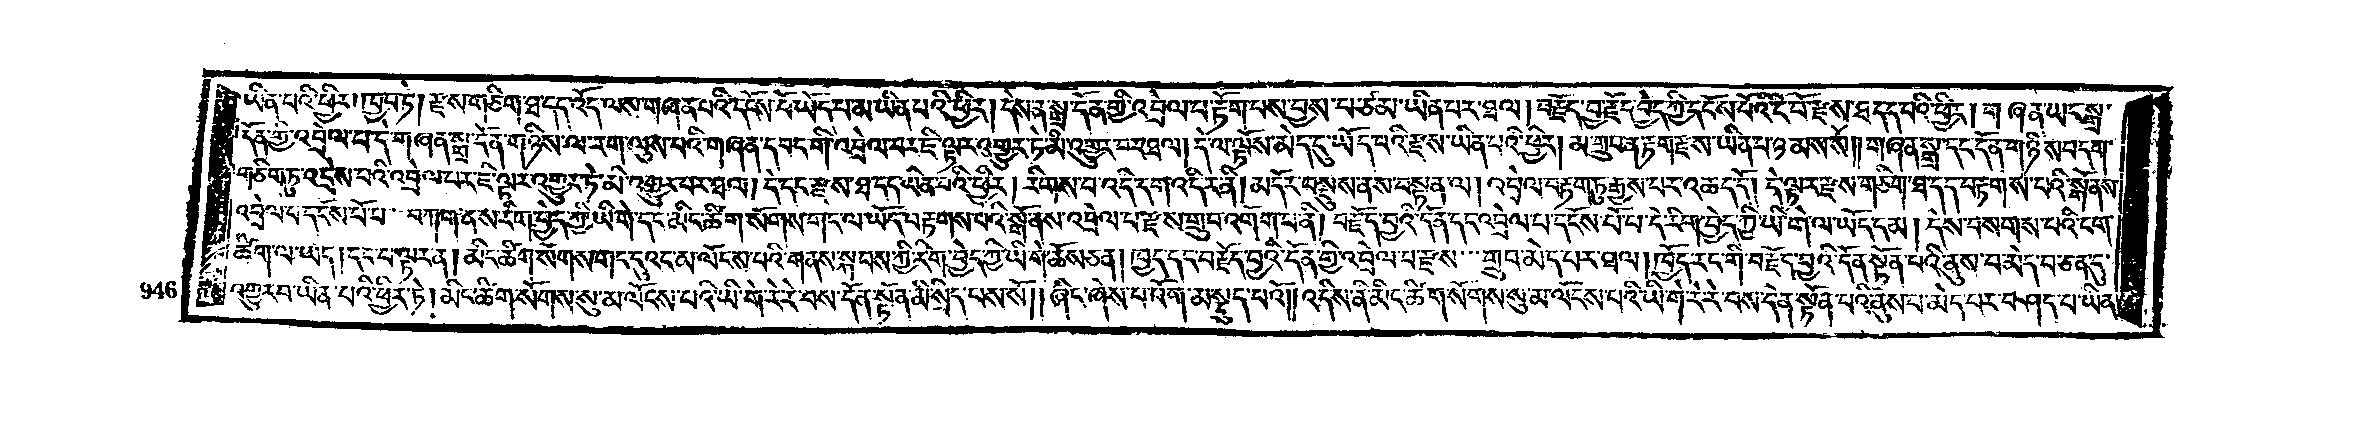ཡིན་པའི་ཕྱིར། ཁྱབ་ཏེ། རྫས་གཅིག་ཐ་དད་འོད་ལས་གཞན་པའི་དངོས་པོ་ཡོད་པ་མ་ཡིན་པའི་ཕྱིར། དེས་ན་སྒྲ་དོན་གྱི་འབྲེལ་བ་རྟོག་པས་བྱས་པ་ཙམ་ཡིན་པར་ཐལ། བརྗོད་བྱ་རྗོད་བྱེད་ཀྱི་དངོས་པོའི་ངོ་བོ་རྫས་ཐ་དད་པའི་ཕྱིར། གཞན་ཡང་སྒྲ་
དོན་གྱི་འབྲེལ་བ་དེ་གཞན་སྒྲ་དོན་གཉིས་ལ་རག་ལུས་པའི་གཞན་དབང་གི་འབྲེལ་བར་ཇི་ལྟར་འགྱུར་ཏེ་མི་འགྱུར་པར་ཐལ། དེ་ལ་ལྟོས་མེད་དུ་ཡོད་པའི་རྫས་ཡིན་པའི་ཕྱིར། མ་གྲུབ་ན་རྟག་རྫས་ཡིན་པ་ཉམས་སོ། །གཞན་སྒྲ་དང་དོན་གཉིས་བདག་
གཅིག་ཏུ་འདྲེས་པའི་འབྲེལ་པར་ཇི་ལྟར་འགྱུར་ཏེ་མི་འགྱུར་བར་ཐལ། དེ་དང་རྫས་ཐ་དད་ཡིན་པའི་ཕྱིར། རིགས་པ་འདི་དག་འདིར་ནི། མདོར་བསྡུས་ནས་བསྟན་ལ། འབྲེལ་བརྟག་ཏུ་རྒྱས་པར་འཆད་དོ། དེ་ལྟར་རྫས་གཅིག་ཐ་དད་བརྟགས་པའི་སྒོ་ནས་
འབྲེལ་བ་དངོས་པོ་པ་བཀག་ནས་རིག་བྱེད་ཀྱི་ཡི་གེ་དང་མིང་ཚིག་སོགས་གང་ལ་ཡོད་བརྟགས་པའི་སྒོ་ནས་འབྲེལ་བ་རྫས་གྲུབ་འགོག་པ་ནི། བརྗོད་བྱའི་དོན་དང་འབྲེལ་བ་དངོས་པོ་པ་དེ་རིག་བྱེད་ཀྱི་ཡི་གེ་ལ་ཡོད་དམ། དེས་བསགས་པའི་ངག་
ཚིག་ལ་ཡོད། དང་པོ་ལྟར་ན། མིང་ཚིག་སོགས་གང་དུའང་མ་ལོངས་པའི་གནས་སྐབས་ཀྱི་རིག་བྱེད་ཀྱི་ཡི་གེ་ཆོས་ཅན། ཁྱད་དང་བརྗོད་བྱའི་དོན་གྱི་འབྲེལ་བ་རྫས་གྲུབ་མེད་པར་ཐལ། ཁྱོད་རང་གི་བརྗོད་བྱའི་དོན་སྟོན་པའི་ནུས་པ་མེད་པ་ཅན་དུ་
འགྱུར་བ་ཡིན་པའི་ཕྱིར་ཏེ། མིང་ཚིག་སོགས་སུ་མ་ལོངས་པའི་ཡི་གེ་རེ་རེ་བས་དོན་སྟོན་མི་སྲིད་པས་སོ། །ཞིང་ཞེས་པ་འོག་མ་སྡུད་པའོ། །འདིས་ནི་མིང་ཚིག་སོགས་སུ་མ་ལོངས་པའི་ཡི་གེ་རེ་རེ་བས་དོན་སྟོན་པའི་ནུས་པ་མེད་པར་བཤད་པ་ཡིན་